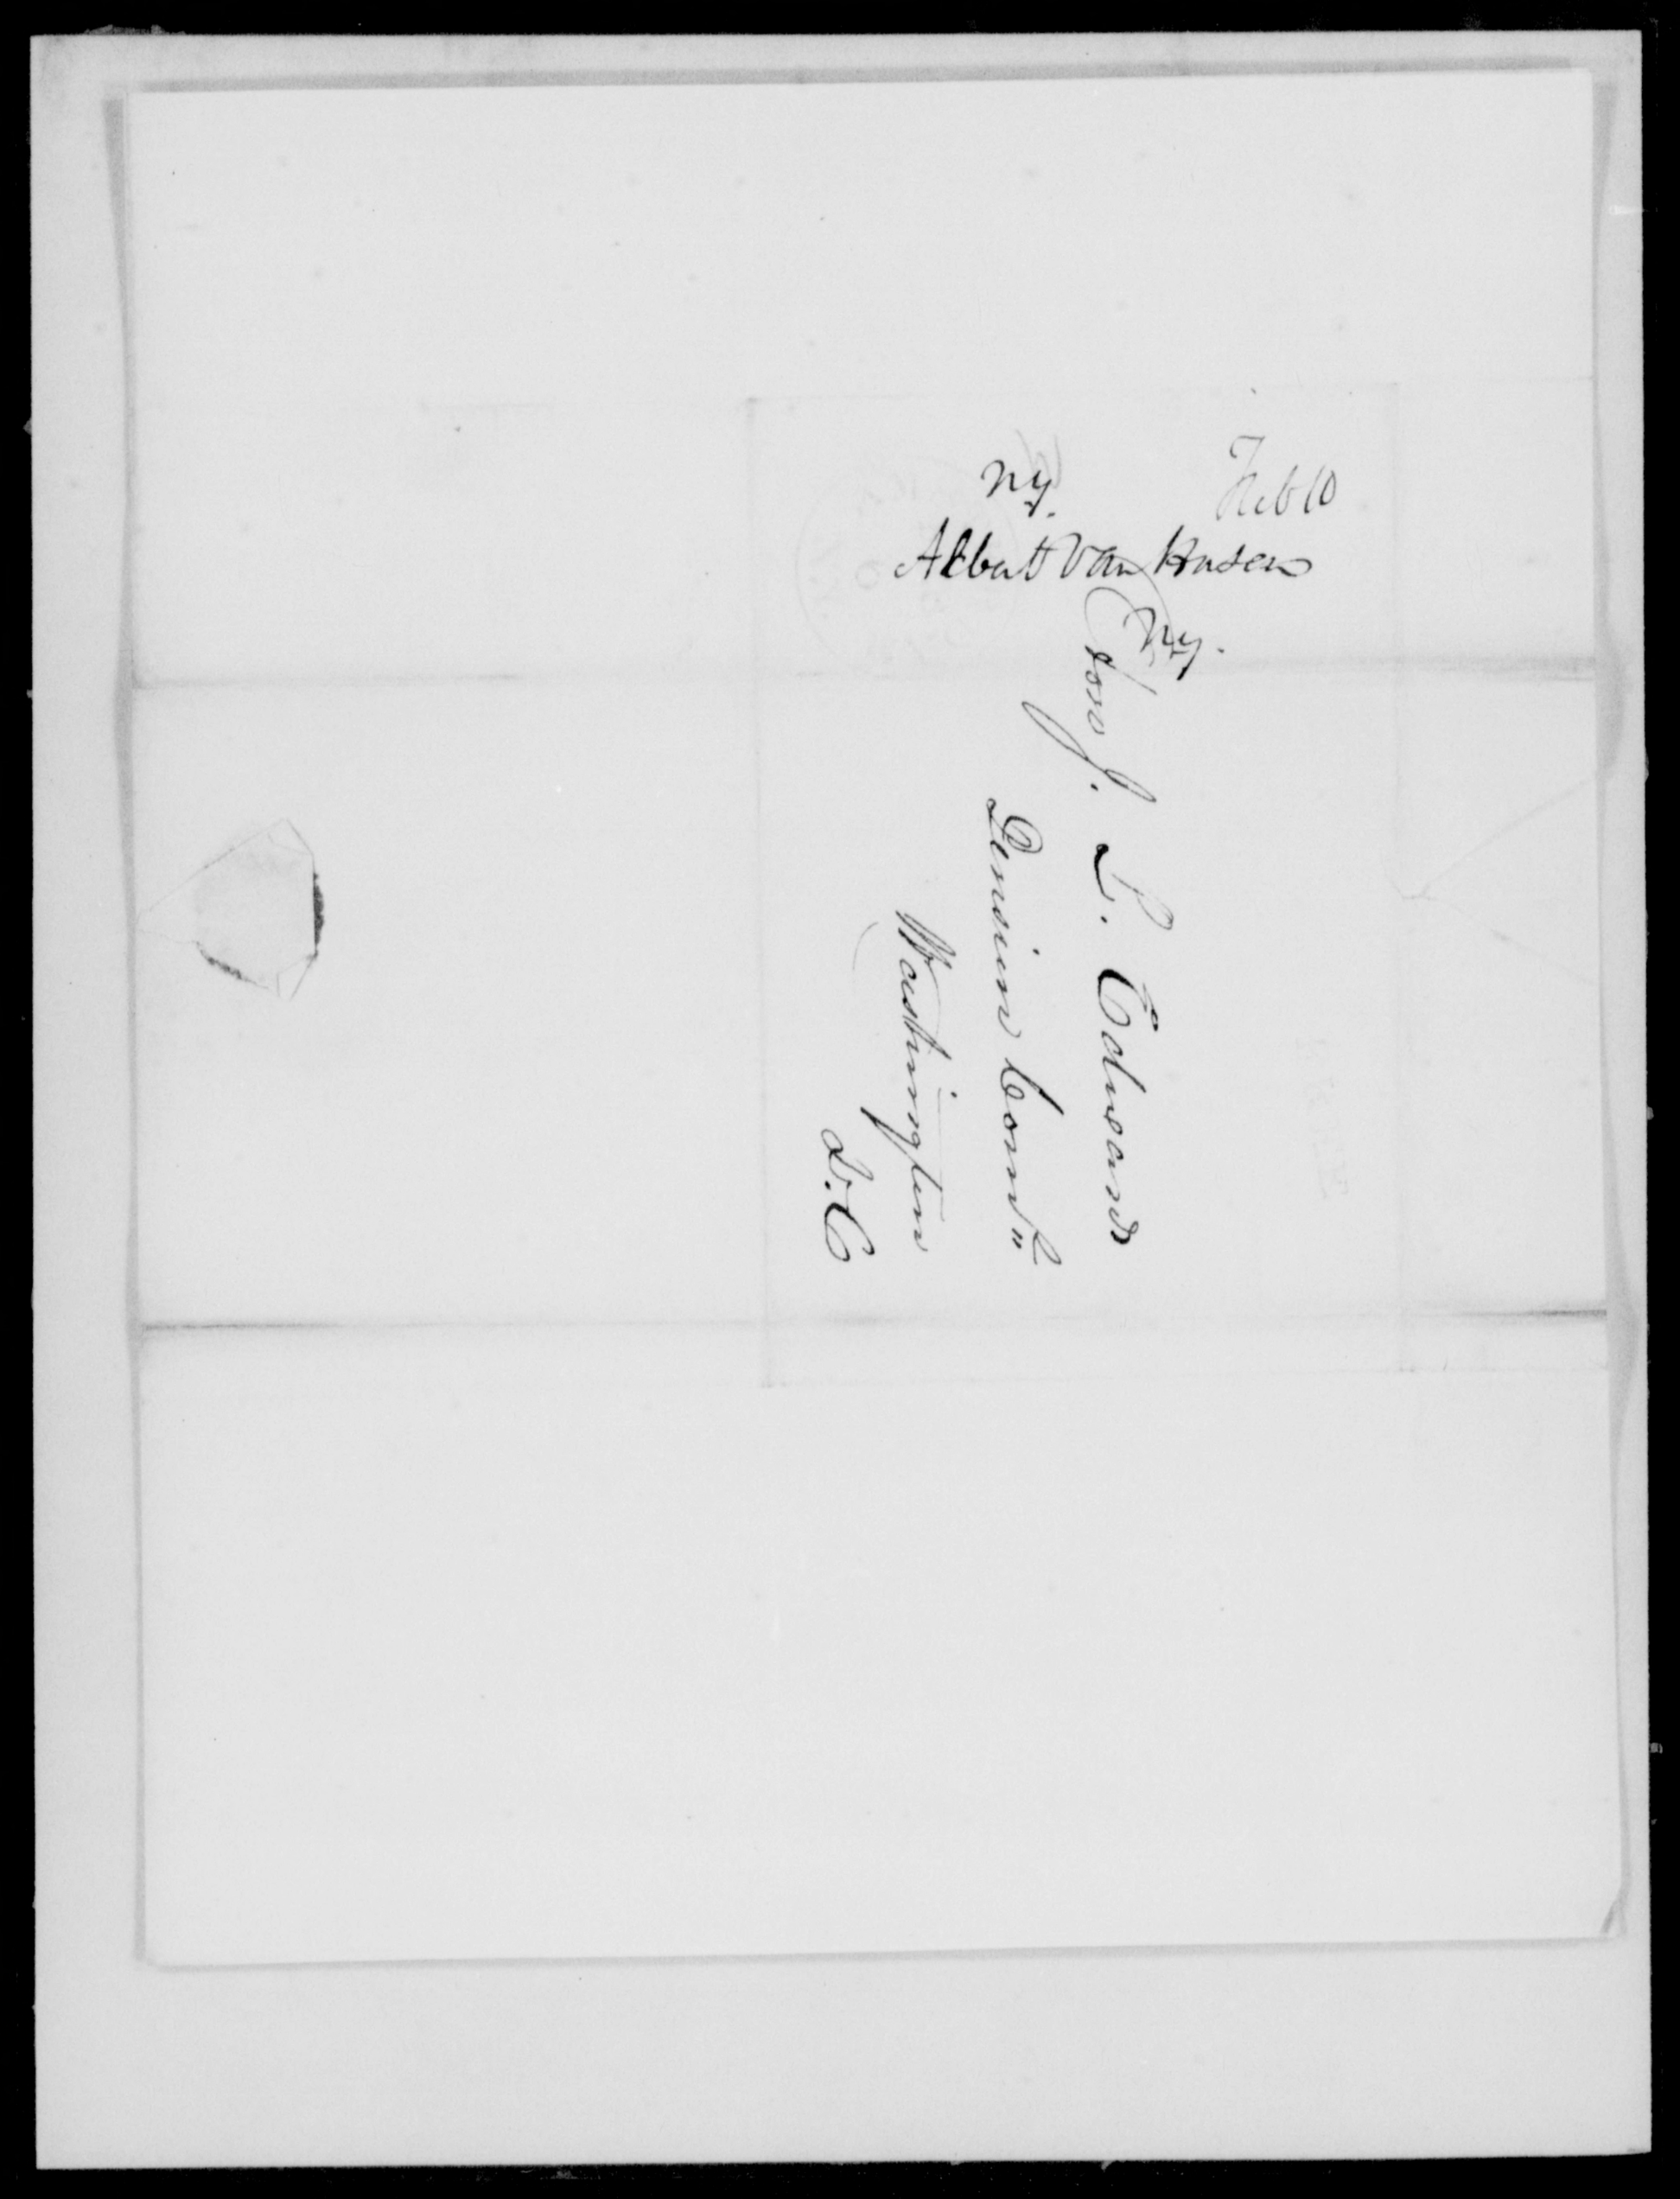N.Y. Feb 10
Albert Van Husen 
N.Y.

Hon J. L. Edwards 
Pension Comr.
Washington D. C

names: J L Edwards, Albert Van Husen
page: 22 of 57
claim: survivor's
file: S. 28,925, Albert Van Housen, New York